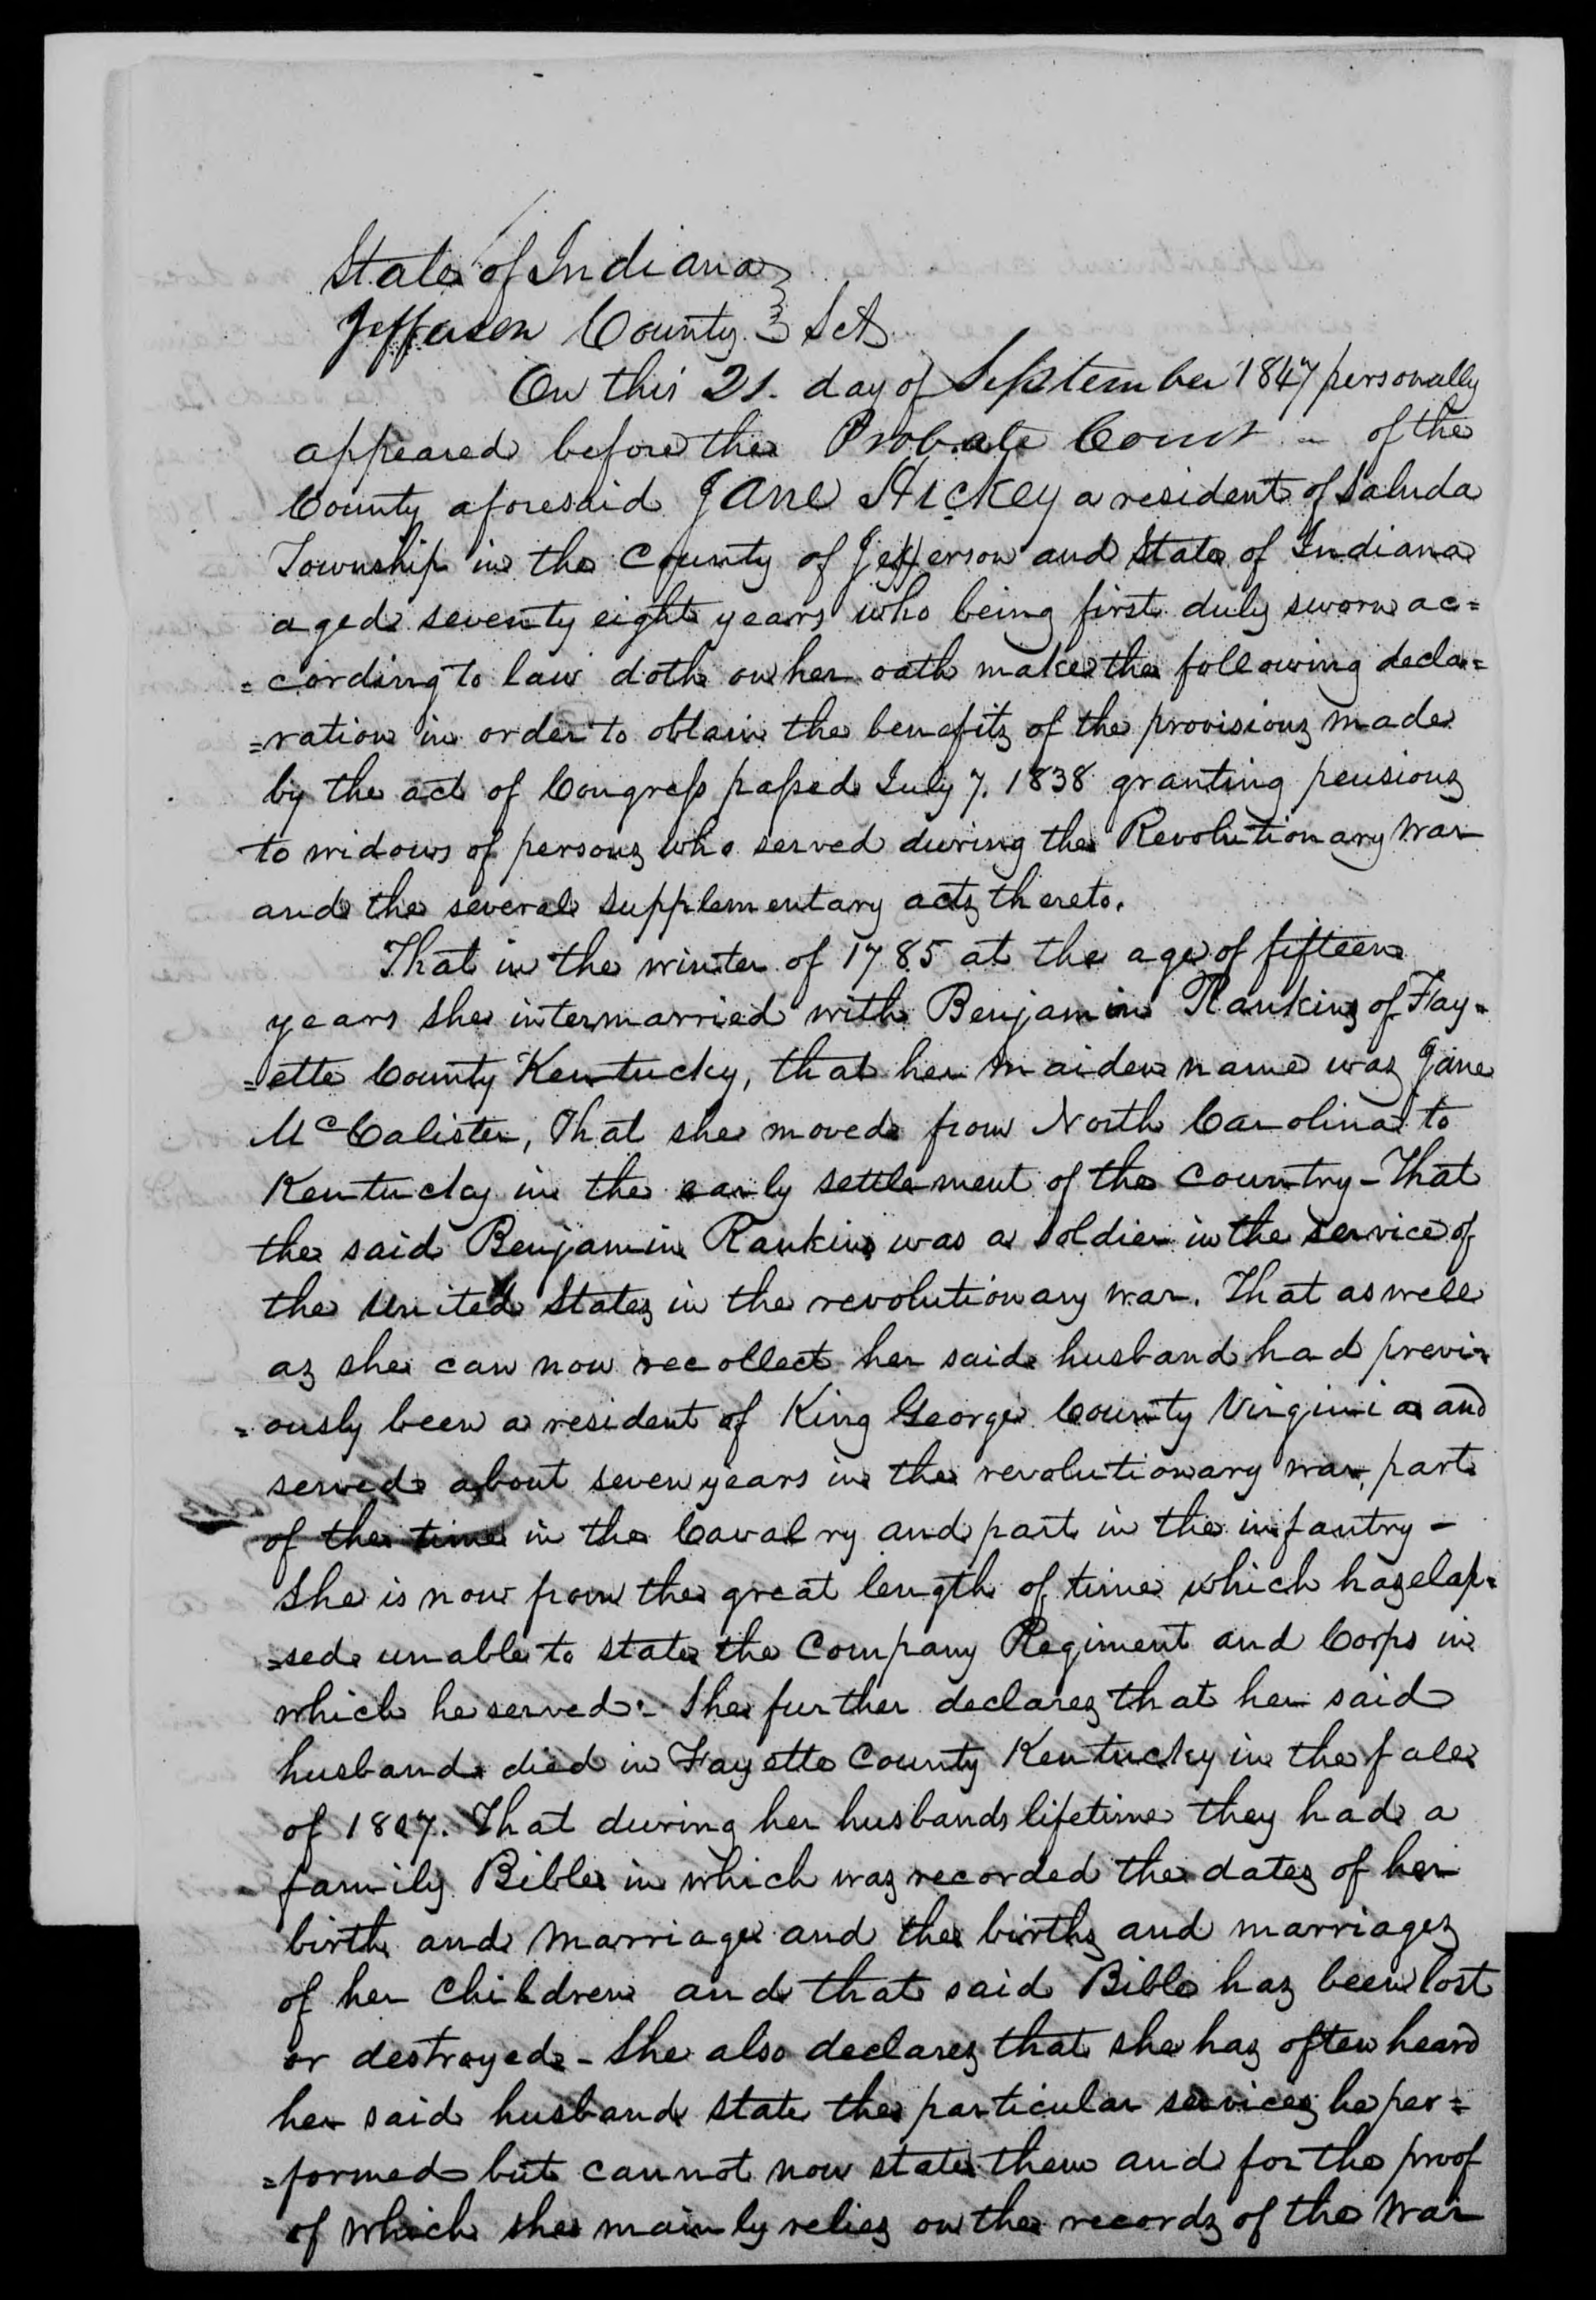State of Indiana   }
Jefferson County } Ss 
On this 21 day of September 1847 personally
appeared before the Probate Court of the
County aforesaid Jane Hickey a resident of Saluda Township in the County of Jefferson and State of Indiana aged seventy eight years who being first duly sworn according to law doth on her oath make the following declaration in order to obtain the benefits of the provisions made by the act of Congress passed July 7. 1838 granting pensions to widows of persons who served during the Revolutionary War and the several supplementary acts thereto.
That in the winter of 1785 at the age of fifteen
years she intermarried with Benjamin Rankins of Fayette County Kentucky, that her maiden name was Jane McCalister, that she moved from North Carolina to Kentucky in the early settlement of the country- That the said Benjamin Rankins was a soldier in the service of the United States in the revolutionary war. That as well as she can now recollect her said husband had previously been a resident of King George County Virginia and served about seven years in the revolutionary war, part of
the time in the Cavalry and part in the infantry.
she is now from the great length of time which has elapsed unable to state the Company Regiment and Corps in which he served. She further declares that her said husband died in Fayette County Kentucky in the fall of 1807. That during her husbands lifetime they had a
family Bible in which was recorded the dates of her birth and marriage and the births and marriages of her children and that said Bible has been lost or destroyed. She also declares that she has often heard her said husband state the particular services he performed but cannot now state them and for the proof
of which the main by relies on the records of the War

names: Benjamin Rankins, Benjamine Rankins, Jane Hickey, Jane Mc Calister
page: 5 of 84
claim: widow's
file: W. 7744, Daniel Hickey, Penn.